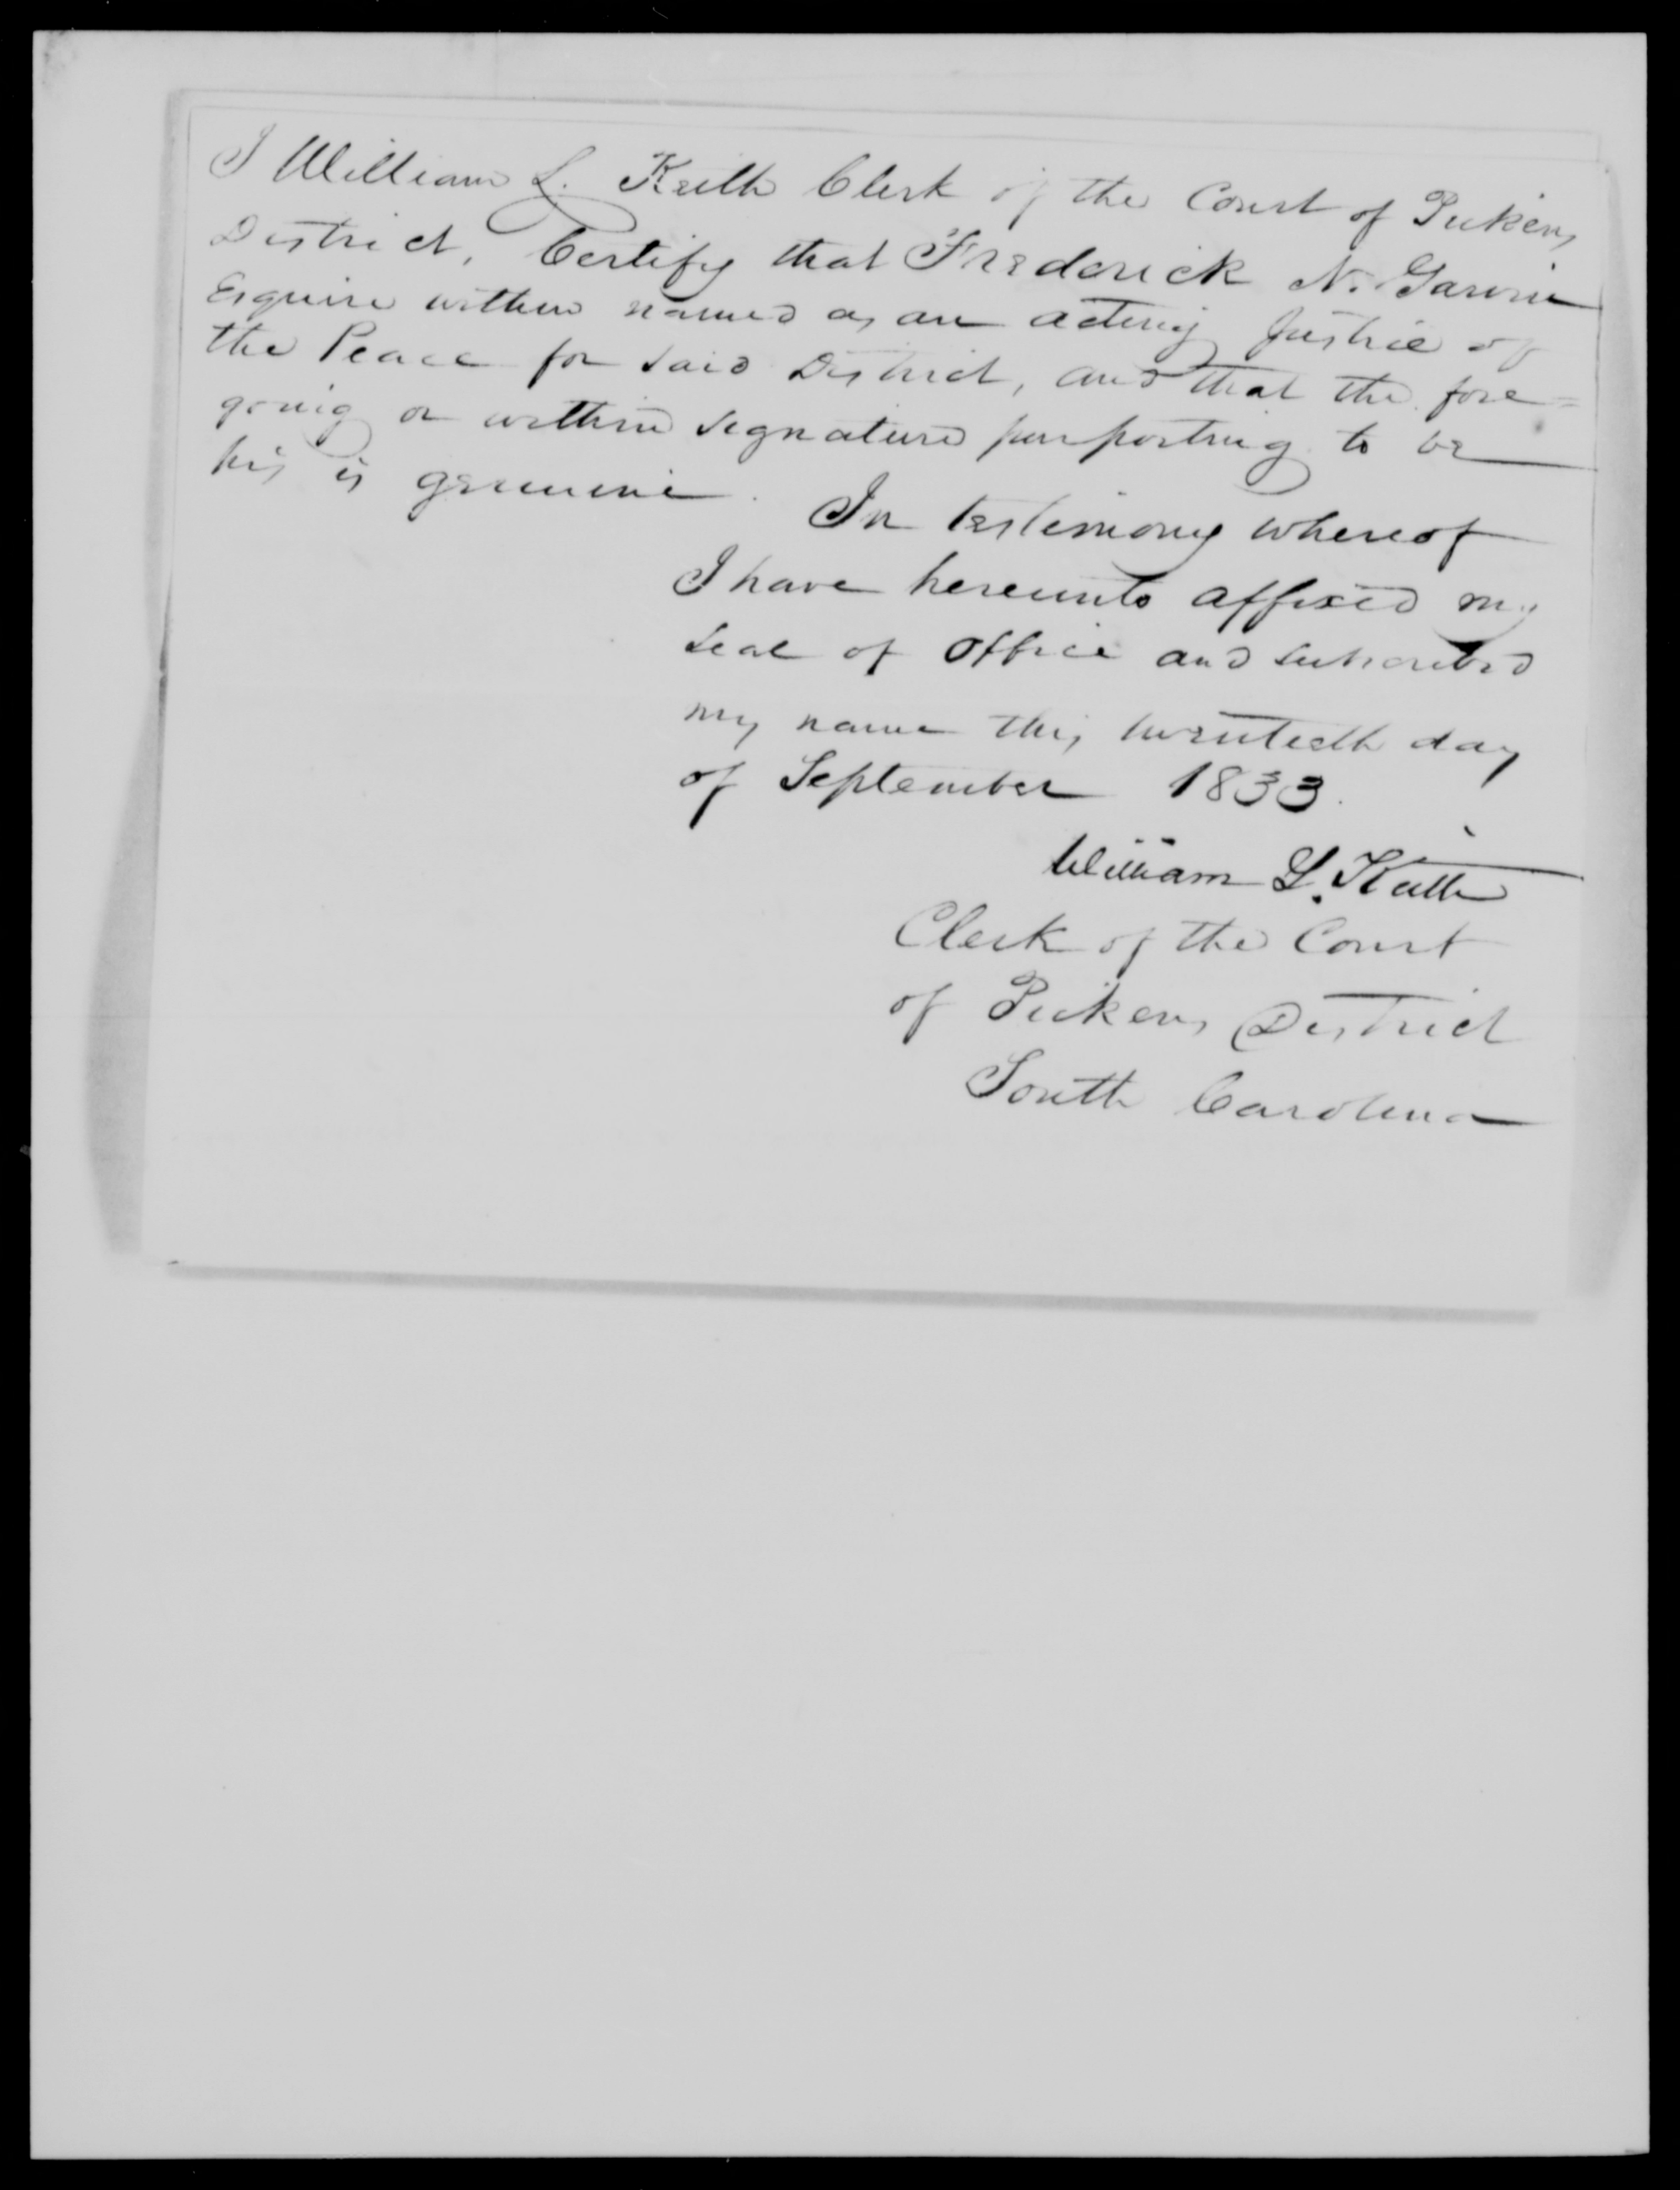I William L. Keith Clerk of the Court of Pickens
District, Certify that Frederick N. Garvin
Esquire within named as an acting Justice of
the Peace for said District, and that the fore=
going or within signature purporting to be
his is genuine.
In testimony whereof
I have hereunto affixes my
seal of office and subscribed
my name this twentieth day
of September 1833.
William L. Keith
Clerk of the Court 
of Pickens District
South Carolina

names: William L Keith, Frederick N Garvin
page: 55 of 56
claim: widow's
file: W. 9040, Levi Young, Ga. New Jersey S.C.